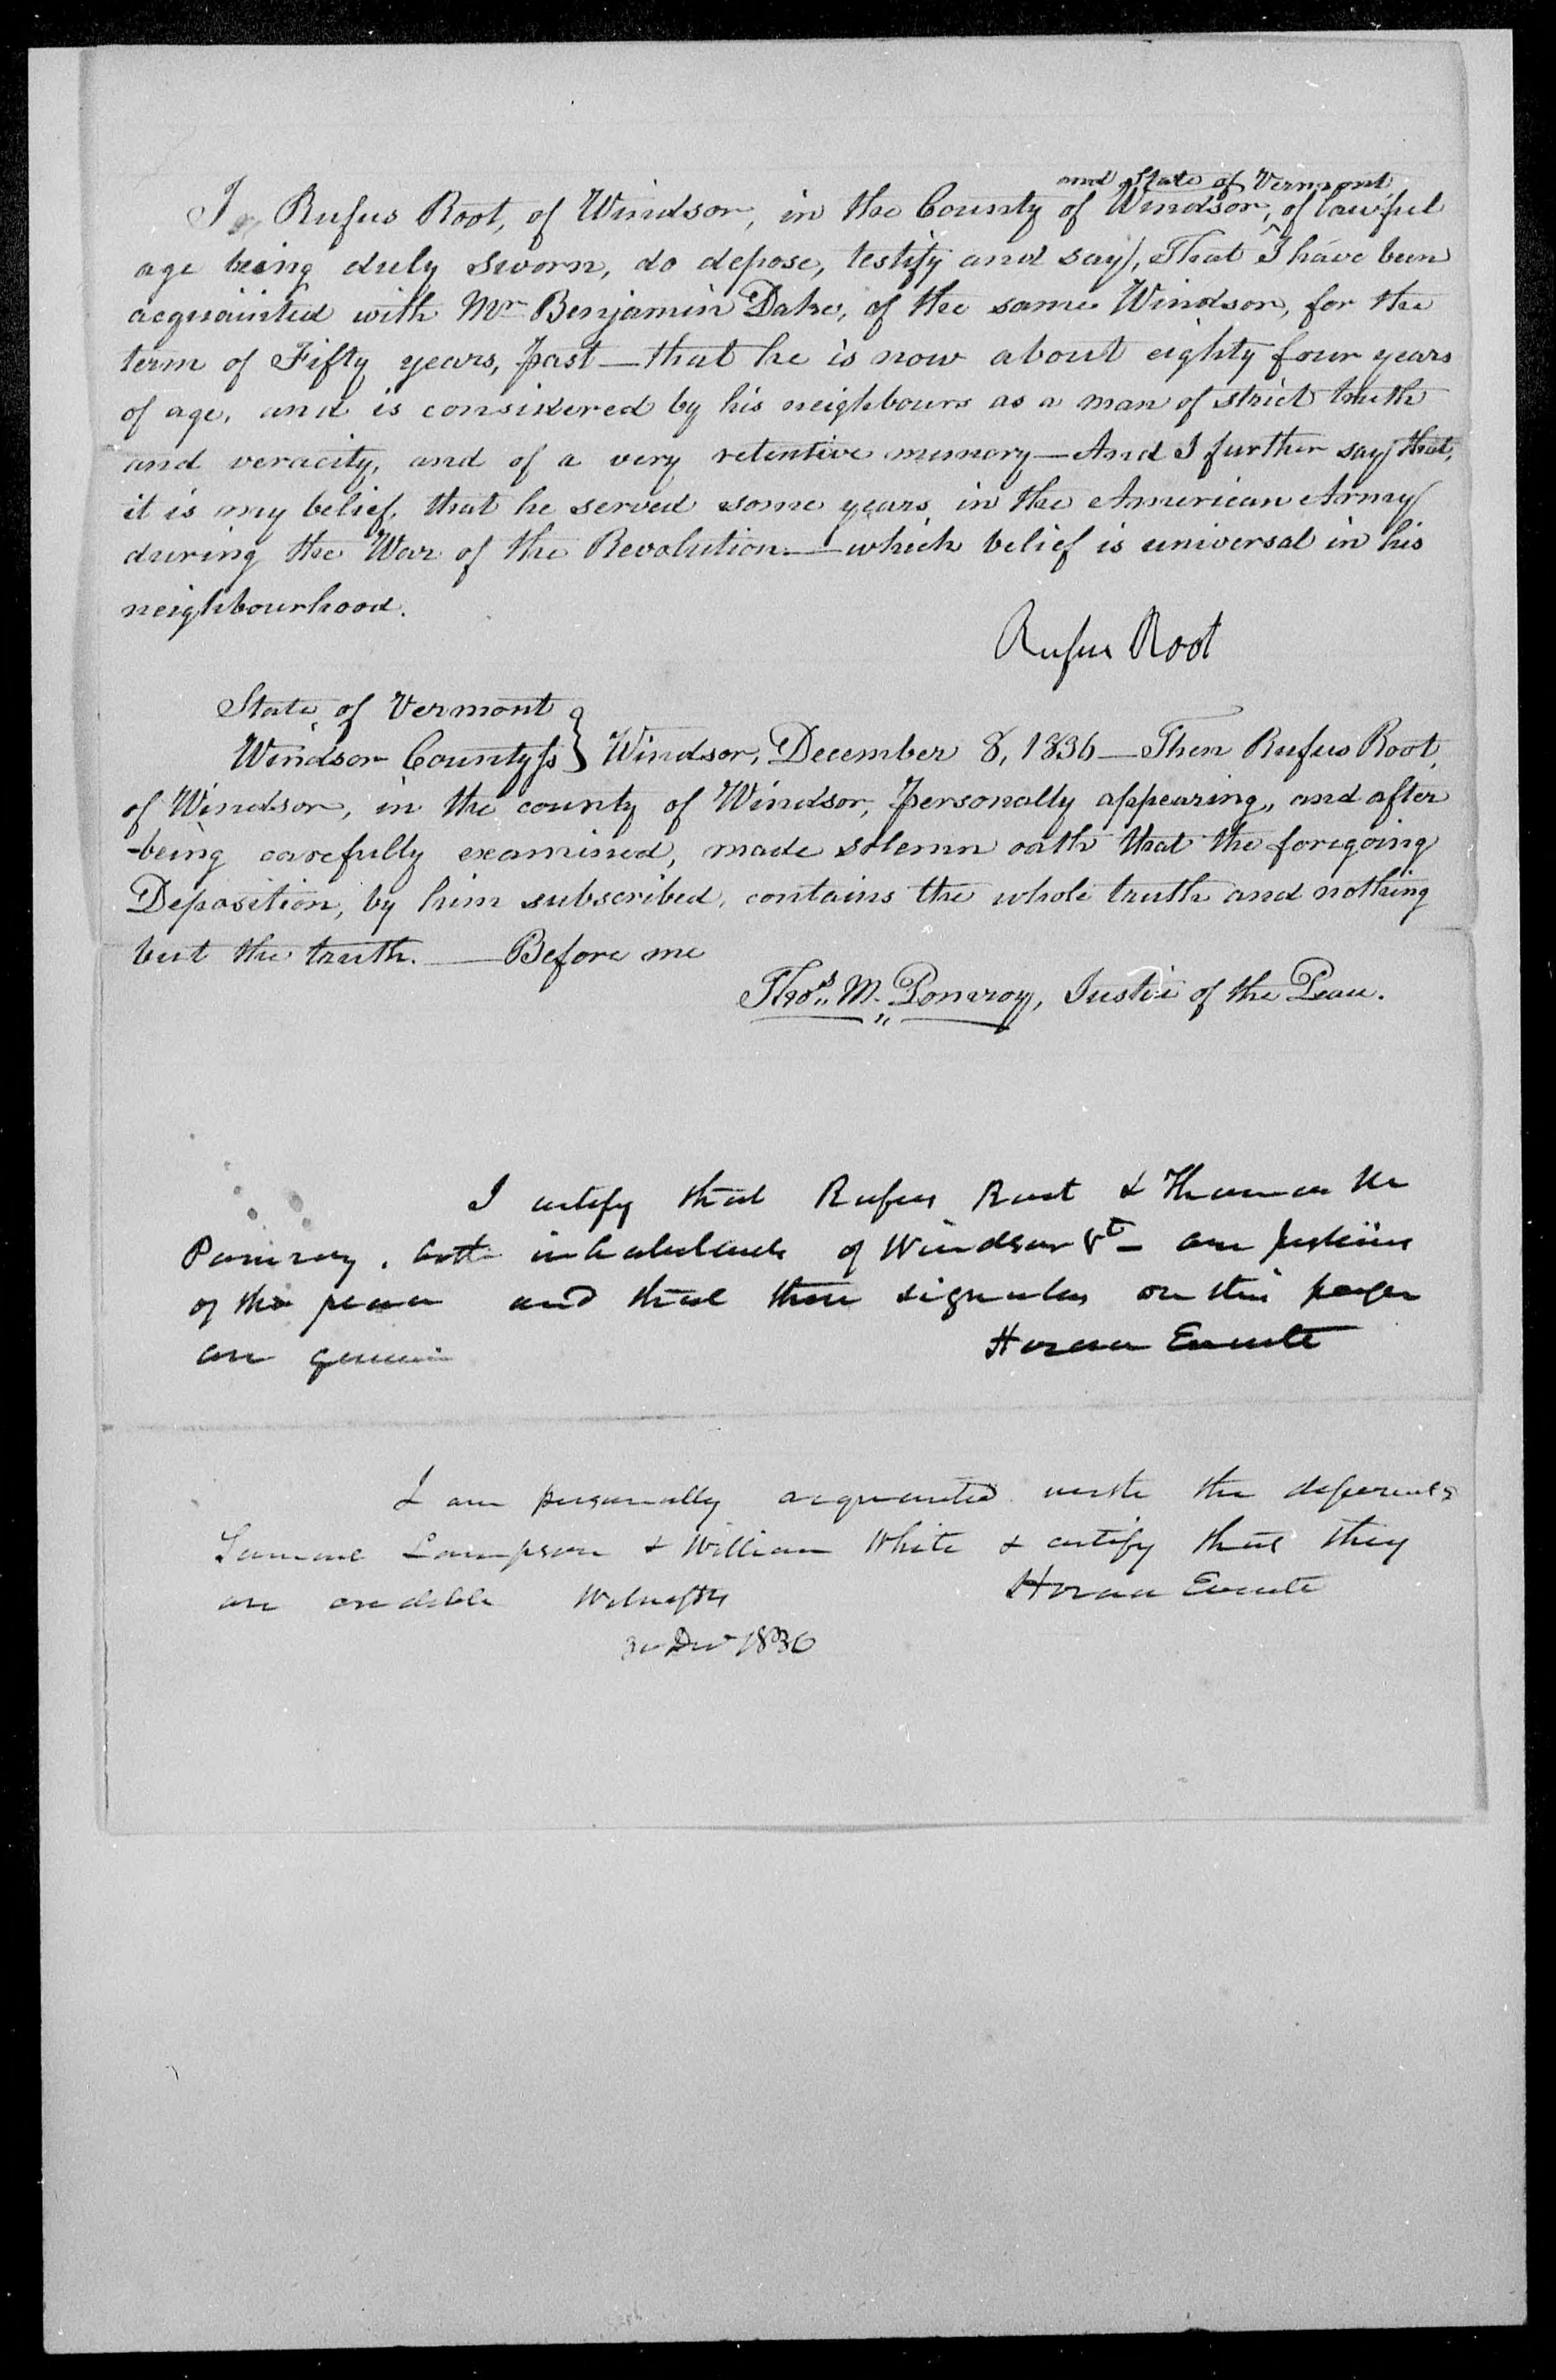I, Rufus Root, of Windsor, in the County of Windsor and State of Vermont, of lawful age being duly sworn, de depose, testify and say, that I have been acquainted with Mr. Benjamin Dake of the same Windsor for the term of fifty years past. That he is now about eighty four years of age and is considered by his neighbours as a man of strict truth and veracity, and of a very retentive memory. And I further say that it my belief that he served some years in the American Army during the War of the Revolution which belief is universal in his neighborhood.
Rufus Root
State of Vermont Windsor County Js Windsor December 8, 1836. Then Rufus Root of Windsor, in the County of Windsor personally appearing and after being carefully examined made solemn oath that the foregoing deposition by him subscribed contains the whole truth and nothing but the truth. Before me Thos M. Pomeroy Justice of the Peace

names: William White, Rufus Root, Rufus Root, Thos M Pomroy, Rufus Root, Horace Everett, Horace Everett, Samuel Lampson, Thomas M Pomroy, Rufus Root, Benjamin Dake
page: 13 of 42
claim: rejected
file: R. 2,625, Benjamin Dake, R.I.